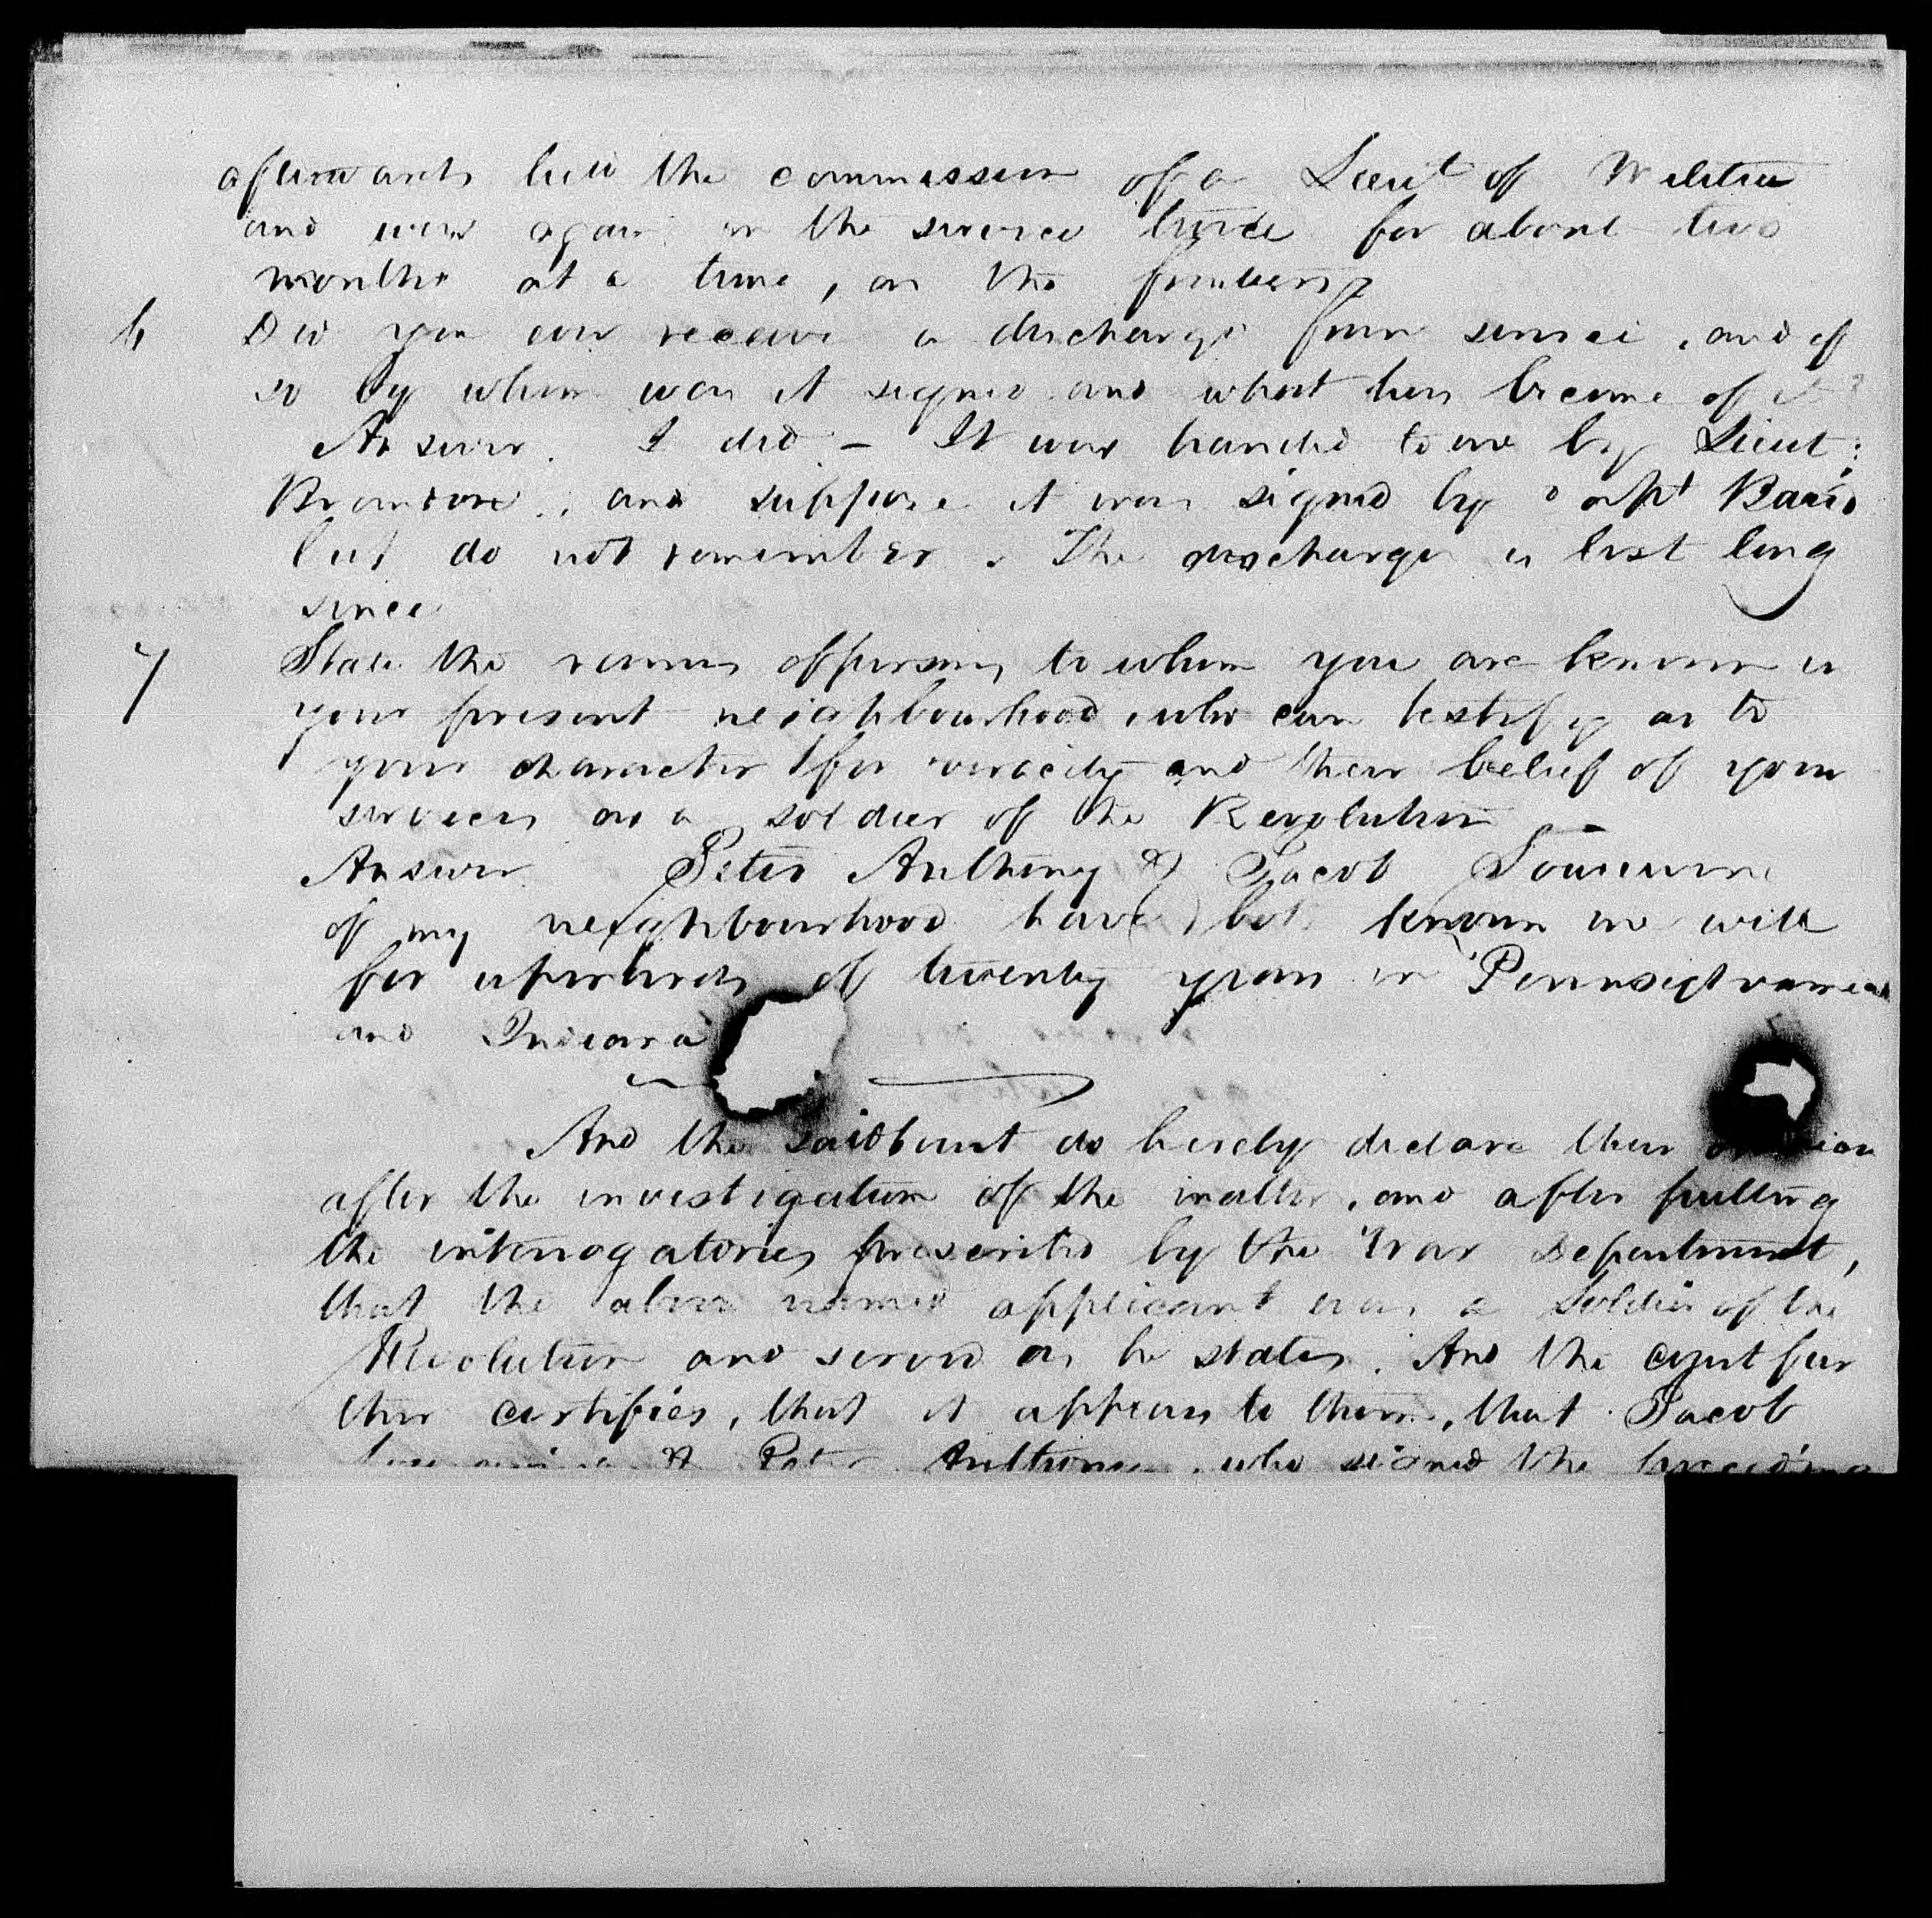afterwards with the commission of a Lieut of Militias and was again in the service twice for about two months at a time, on the frontier

6 Did you ever receive a discharge from service, and if so by whom was it signed and what has become of it?
Answer. I did- It was handed to me by Lieut Brandon and suppose it was signed by a Capt Baird but do not remember. The discharge is lost long since. 

7 State the names of persons to whom you are known in your present neighborhood who can testify as to your character for veracity and their belief of your service as a soldier of the Revolution.
Answer Peter Anthony & Jacob Sourwine
of my neighborhood have both known me will for upwards of twenty years in Pennsylvania and Indiana.

And the said Court do hereby declare their opinion after the investigation of the matter, and after putting the interrogatories presented by the War Department, that the above named applicant was a Soldier of the Revolution and served as he states. And the court further certifies, that it appears to them, that 
Jacob Sourwine & Peter Anthony who signed the preceding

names: Peter Anthony; Jacob Sourwine; [BLANK] Bromdore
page: 13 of 14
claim: rejected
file: R. 6005, for Jacob Klinginsmith, Pennsylvania